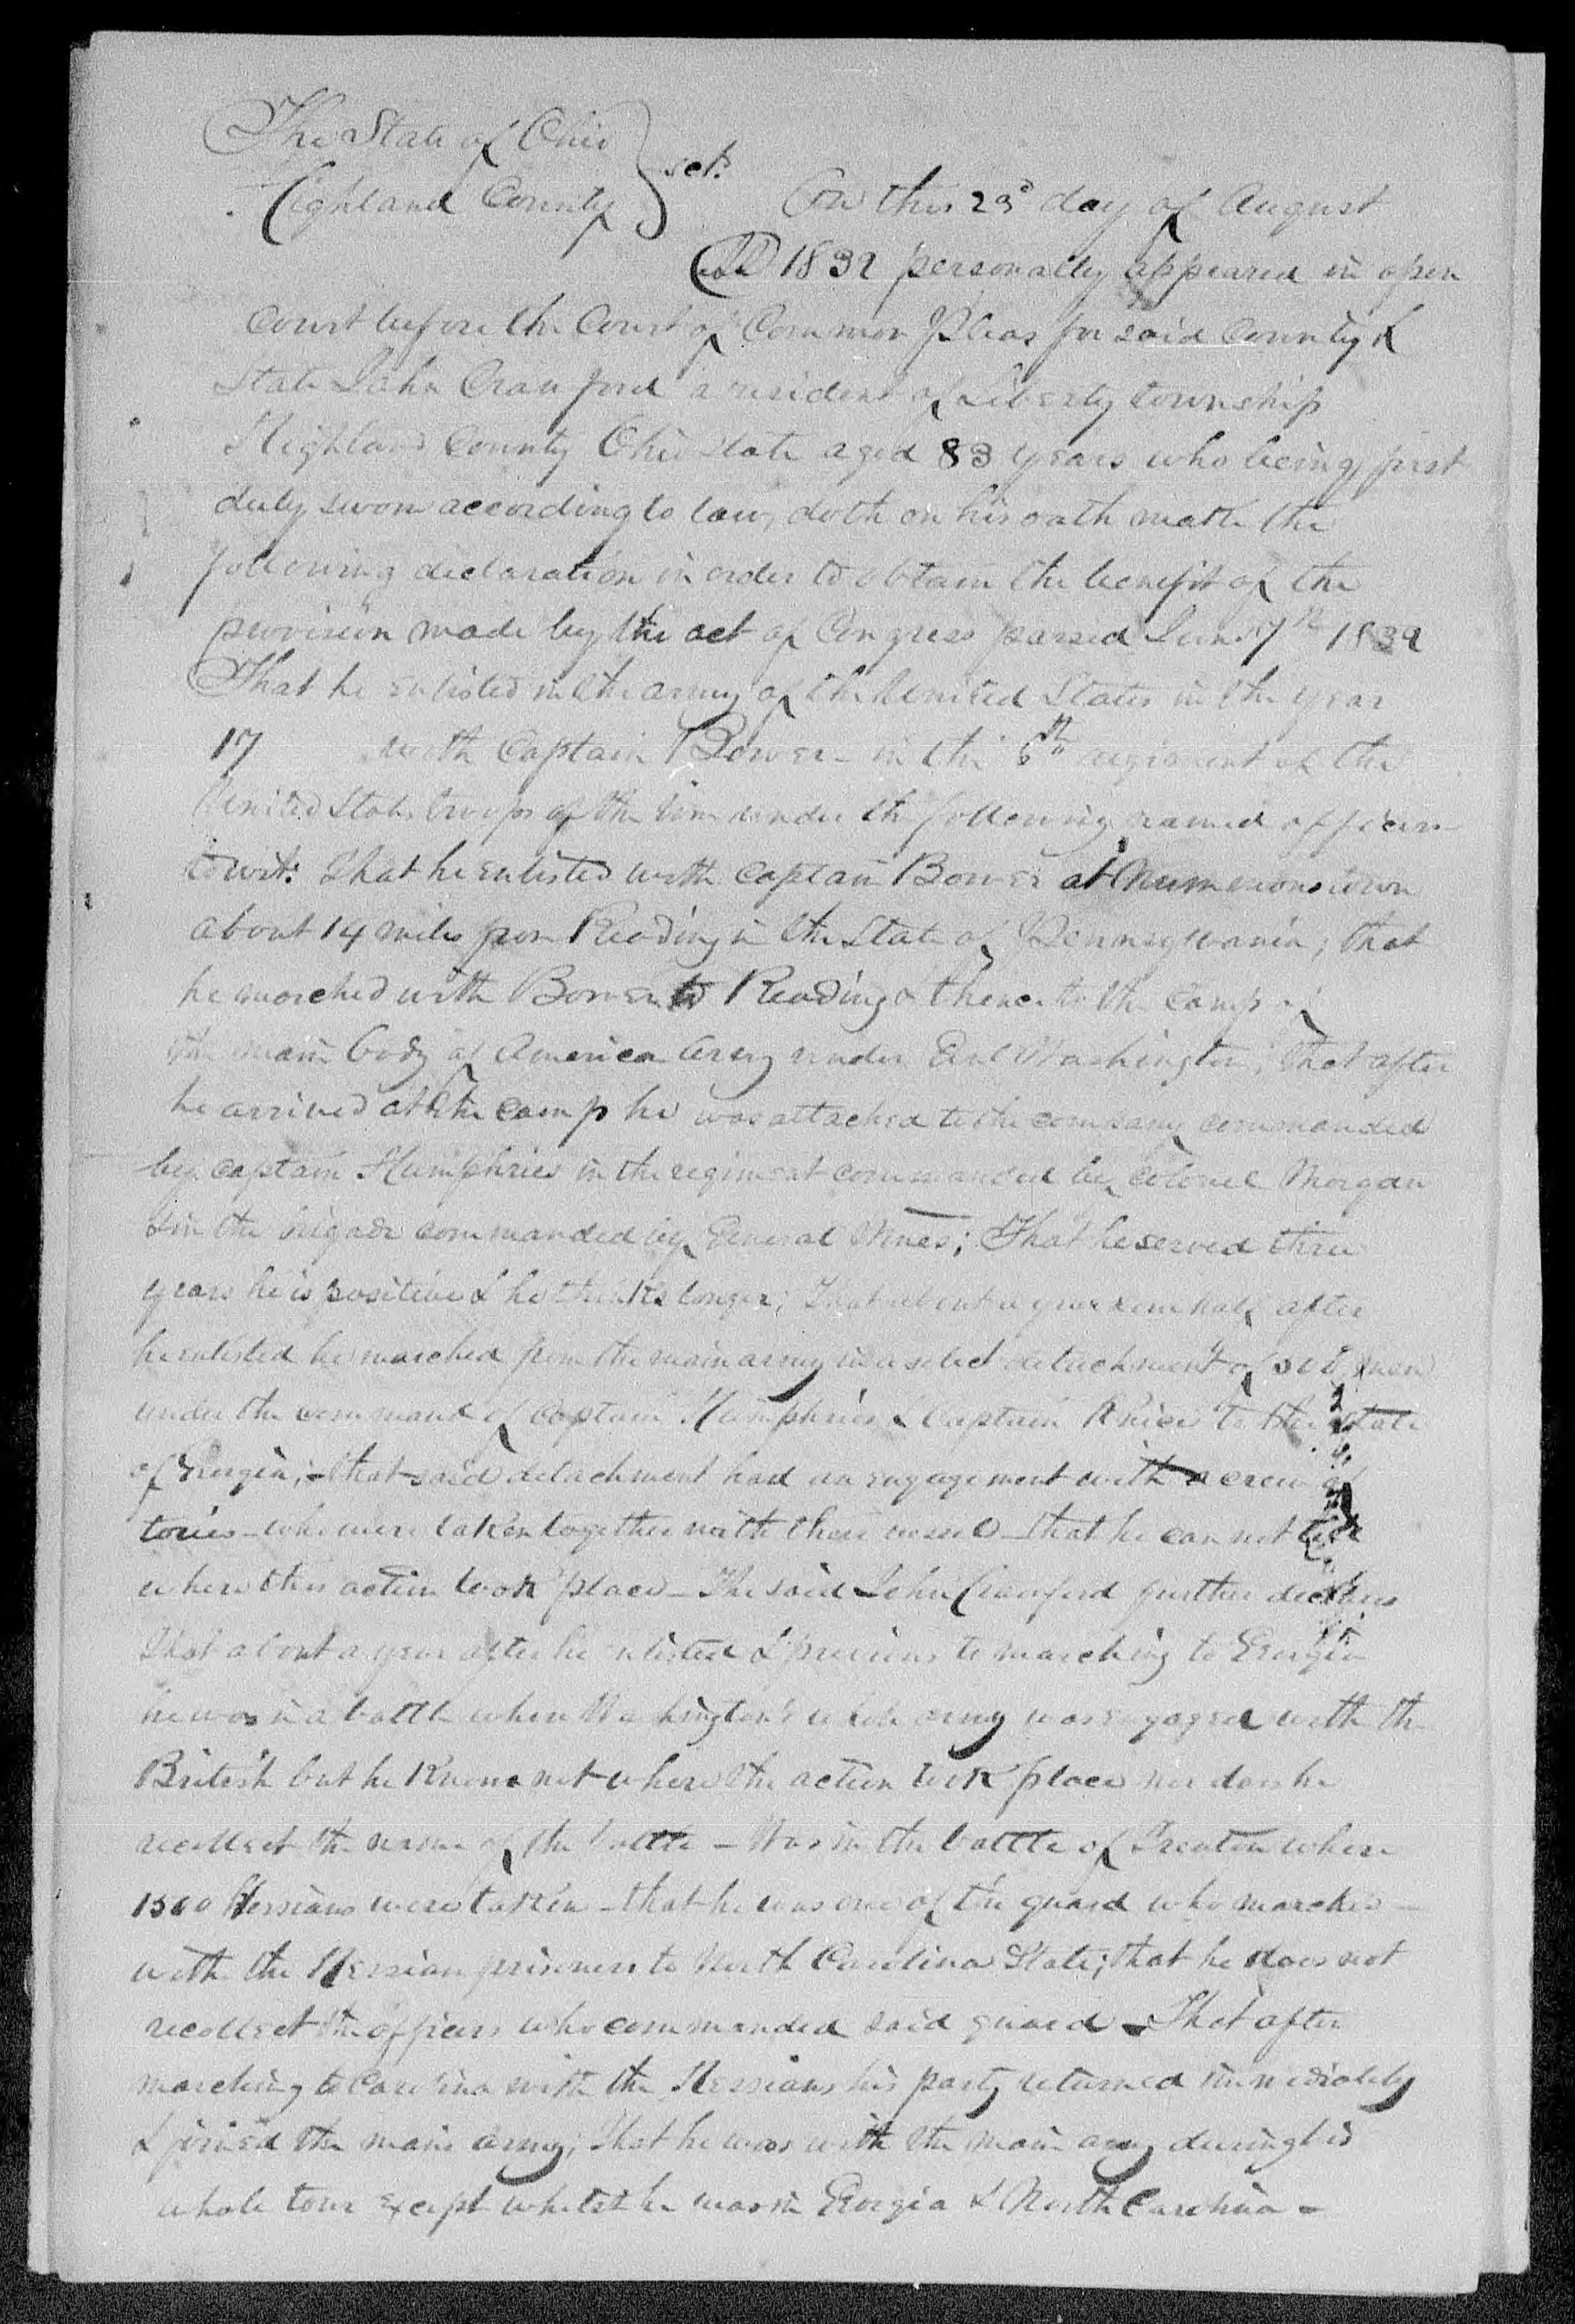The State of Ohio Highland County set.
On this 23d day of August AD 1832 personally appeared in open court before the Court of Common pleas for said county & state John Crawford a resident of Liberty township Clinton County Ohio state aged 83 years who being first duly sworn according to law, doth on his oath make the following declaration in order to obtain the benefit of the provision made by the act of Congress passed June 7th 1834. That he enlisted in the army of the United States in the year 17__ with Captain Bower in the 6th regiment of the United States troops of the line under the following named officers to wit: That he enlisted with Captain Bower at Numerions town about 14 miles from Reading in the state of Pennsylvania; that he marched with Bower to Reading & thence to the Camp of the main body at America [illegible] under Col. Washington, that after he arrived at the camp he was attached to the company commanded by Captain Humphries in the regiment commanded by Colonel Morgan & in the brigade commanded by General [illegible]; that he served three years he is positive & he thinks longer; that about a year & one half after he enlisted he marched from the main army in a select detachment of [illegible] under the command of Captain Humphries & Captain Price to the state of Georgia; that said detachment had an engagement with a crew of tories who were taken together with their vessel that he cannot tell where this action took place. The said John Crawford further [illegible] that about a year after he enlisted & previous to marching to Georgia he was in a battle where Washington's whole army was engaged with the British but he knows not where the action took place nor does he recollect the [illegible] of the battle. Was in the battle of [illegible] where 1500 Hessians were taken, that he was one of the guard who marched with the Hessian prisoners to North Carolina State; that he does not recollect the officers who commanded said guard. That after marching to Carolina with the Hessians his party returned immediately & joined the main army; that he was with the main army during his whole tour except while he was in Georgia & North Carolina.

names: Bower, John Crawford, Bower, John Crawford, Price, Bower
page: 3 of 80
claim: widow's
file: W 2070, John Crawford, Penn.